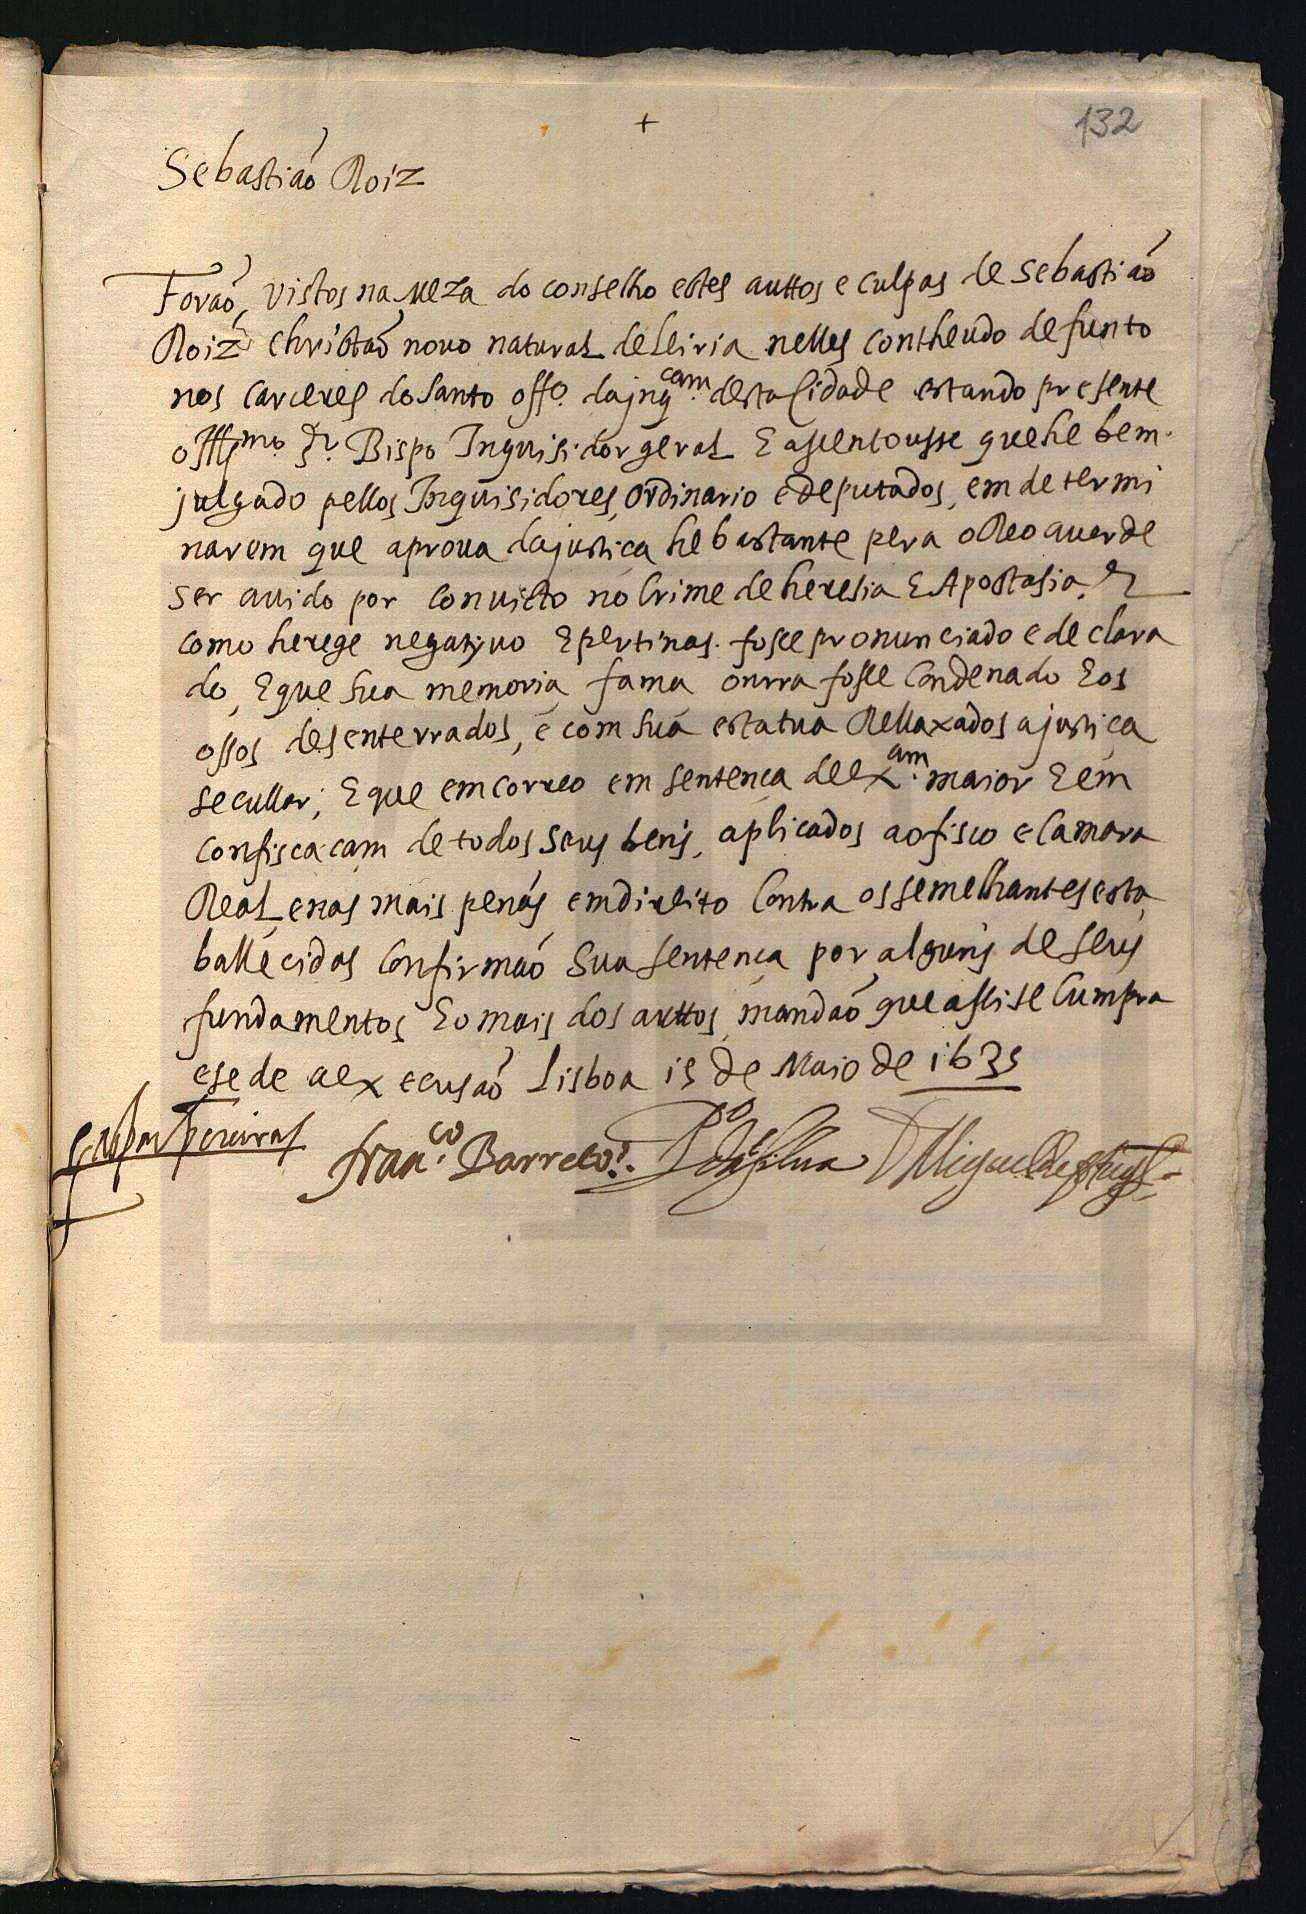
Sebastião Roiz
Foraõ vistos na Meza do conselho estes auttos e culpas de sebastiaõ
Roiz̄ christaõ nouo natural de Leiria nelles contheudo defunto
nos carceres do santo offo. da jnqcam. desta Cidade estando presente
o Illsmo. sor. Bispo Inquisidor geral E assentousse que he bem
julgado pellos Inquisidores, ordinario e deputados, em determi
narem que a proua da justiça he bastante pera o Reo auer de
ser auido por conuicto no Crime de heresia E Apostasia. E
como herege negatyuo E pertinas fosse pronunciado e declara
do, E que sua memoria, fama, onrra fosse condenado E os
ossos desenterrados, e com sua estatua Rellaxados a justiça
secullar, E que emcorreo em sentença de exam. maior E em
confiscaçam de todos seus bens, aplicados ao fisco e Camara
Real, e nas mais penas em direito Contra os semelhantes esta
ballecidas confirmaõ sua sentença por alguns de seus
fundamentos E o mais dos auttos mandaõ que assi se Cumpra
e se de a execusaõ Lisboa 15 de Maio de 1635
